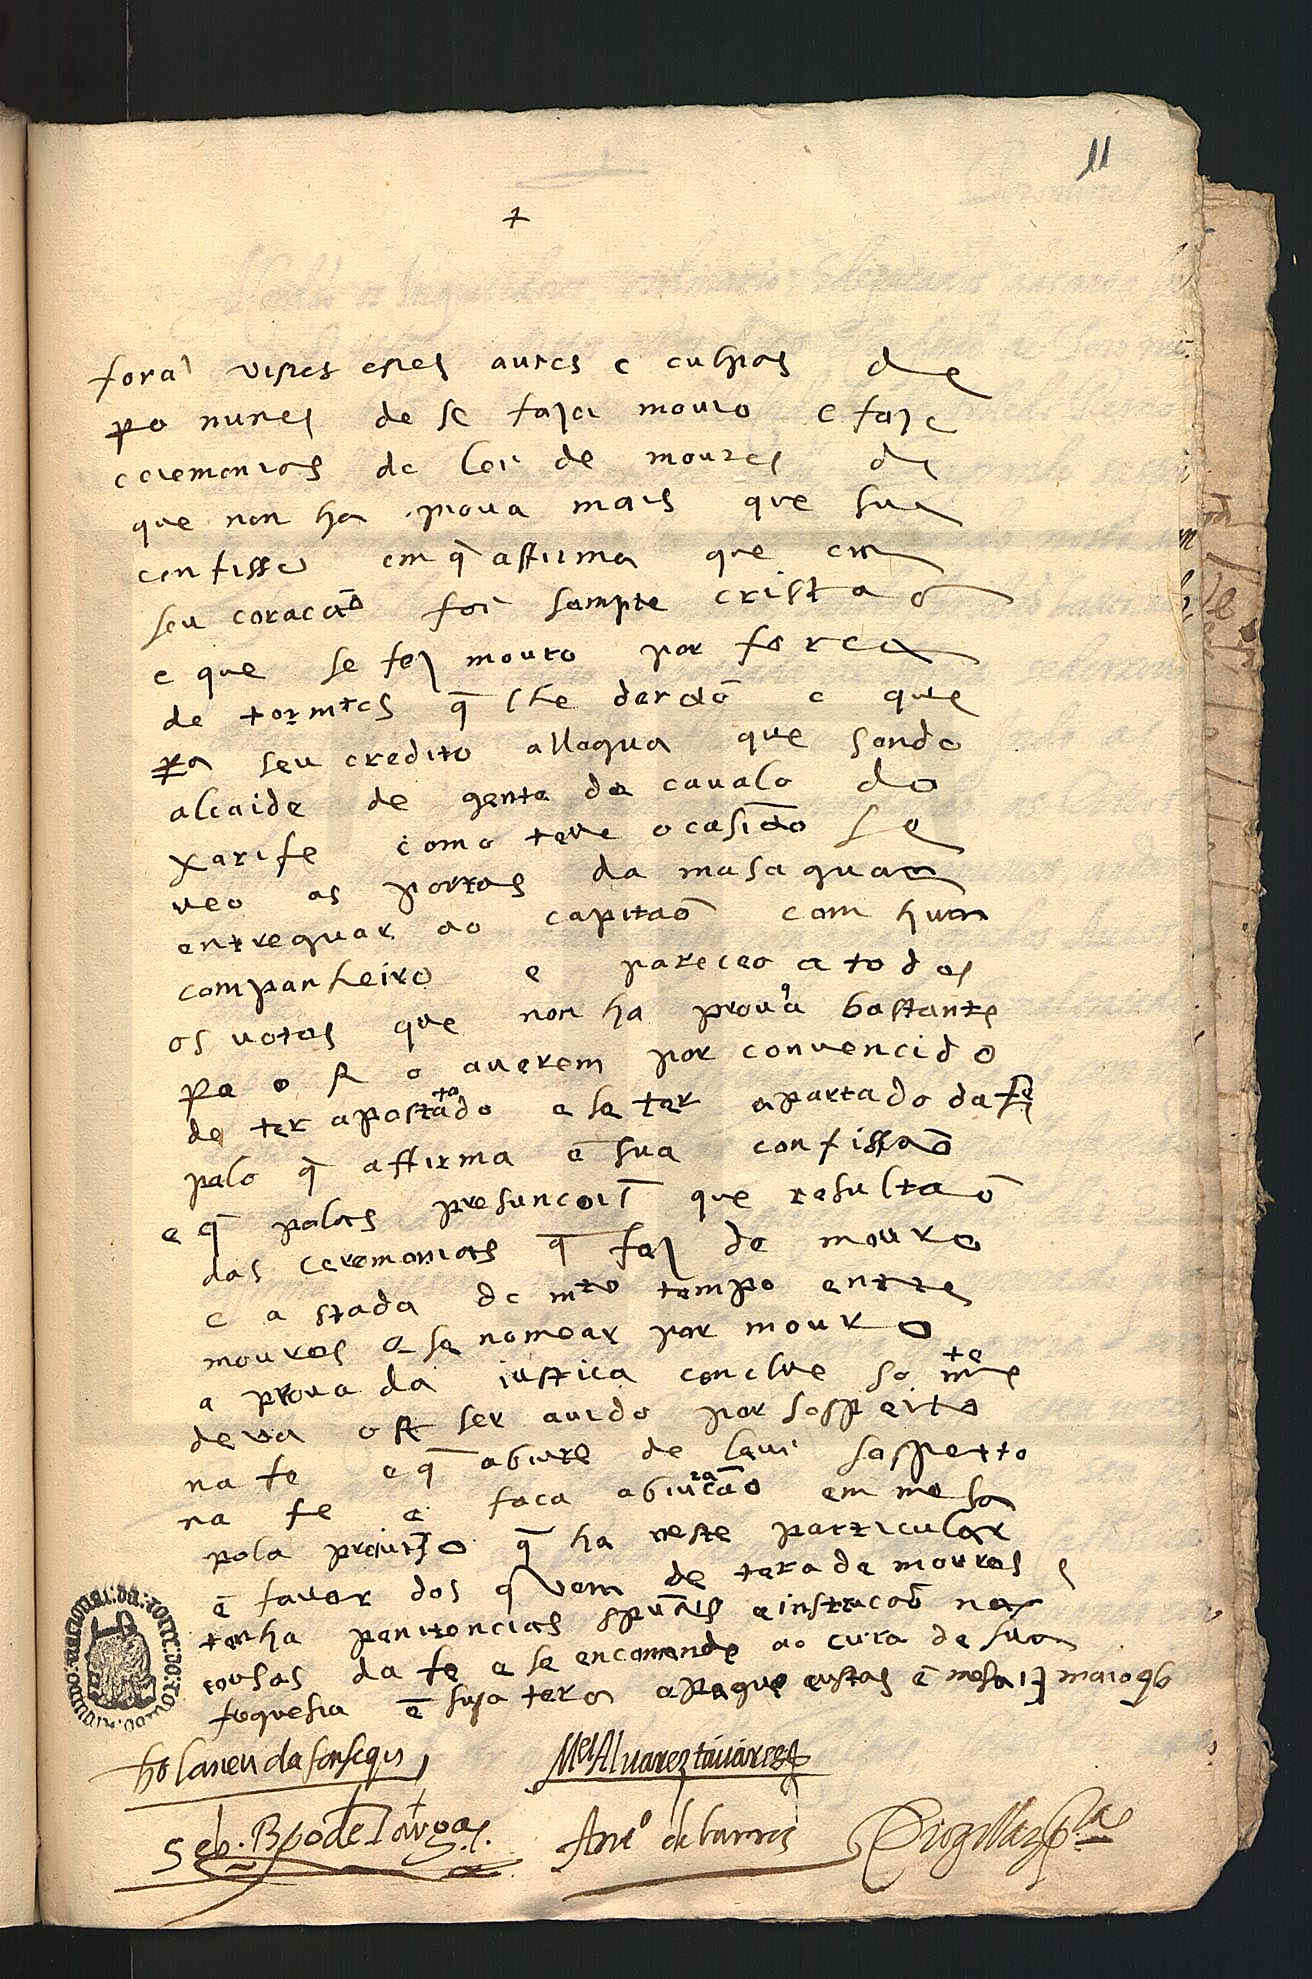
forā vistos estes autos e culpas de
ꝑo nunes de se fazer mouro e faze
ceremonias da lei de mouros de
que non ha proua mais que sua
confissā em q̄ affirma que em
seu coraçaõ foi sempre cristaõ
e que se fez mouro por força
de tormtos q̄ lhe deraõ e que
ꝑa seu credito allegua que sendo
alcaide de gente de caualo do
xarife como teve ocasião se
ueo as portas da masaguam
entreguar ao capitaõ com hum
companheiro e pareceo a todos
os uotos que non ha proua bastante
ꝑa o R o auerem por conuencido
de ter apostatado e se ter apartado da fe
pelo q̄ affirma ē sua confissaõ
e q̄ polas presunçoĩs que resultaõ
das ceremonias q̄ fez de mouro
e a stada de mto tempo entre
mouros e se nomear por mouro
a proua da iustiça conclue somete
deva o R ser auido por sospeito
nate e q̄ abiure de leui sospeito
na fe e faça abiuraçaõ em mesa
pola preiuiso q̄ ha neste particular
ē fauor dos q̄ vem de tera de mouros
tenha penitencias spuāis e instruçaõ nas
cousas da fe e se encomende ao cura de sua
freguesia ē sua tera e pague custas ē mesa i7 maio 96
b̄olameu da fonseqa
Mel Aluarez tauares
Seb. Bpo de Targa
Anto de barros
Diogo Vaz p.ra
